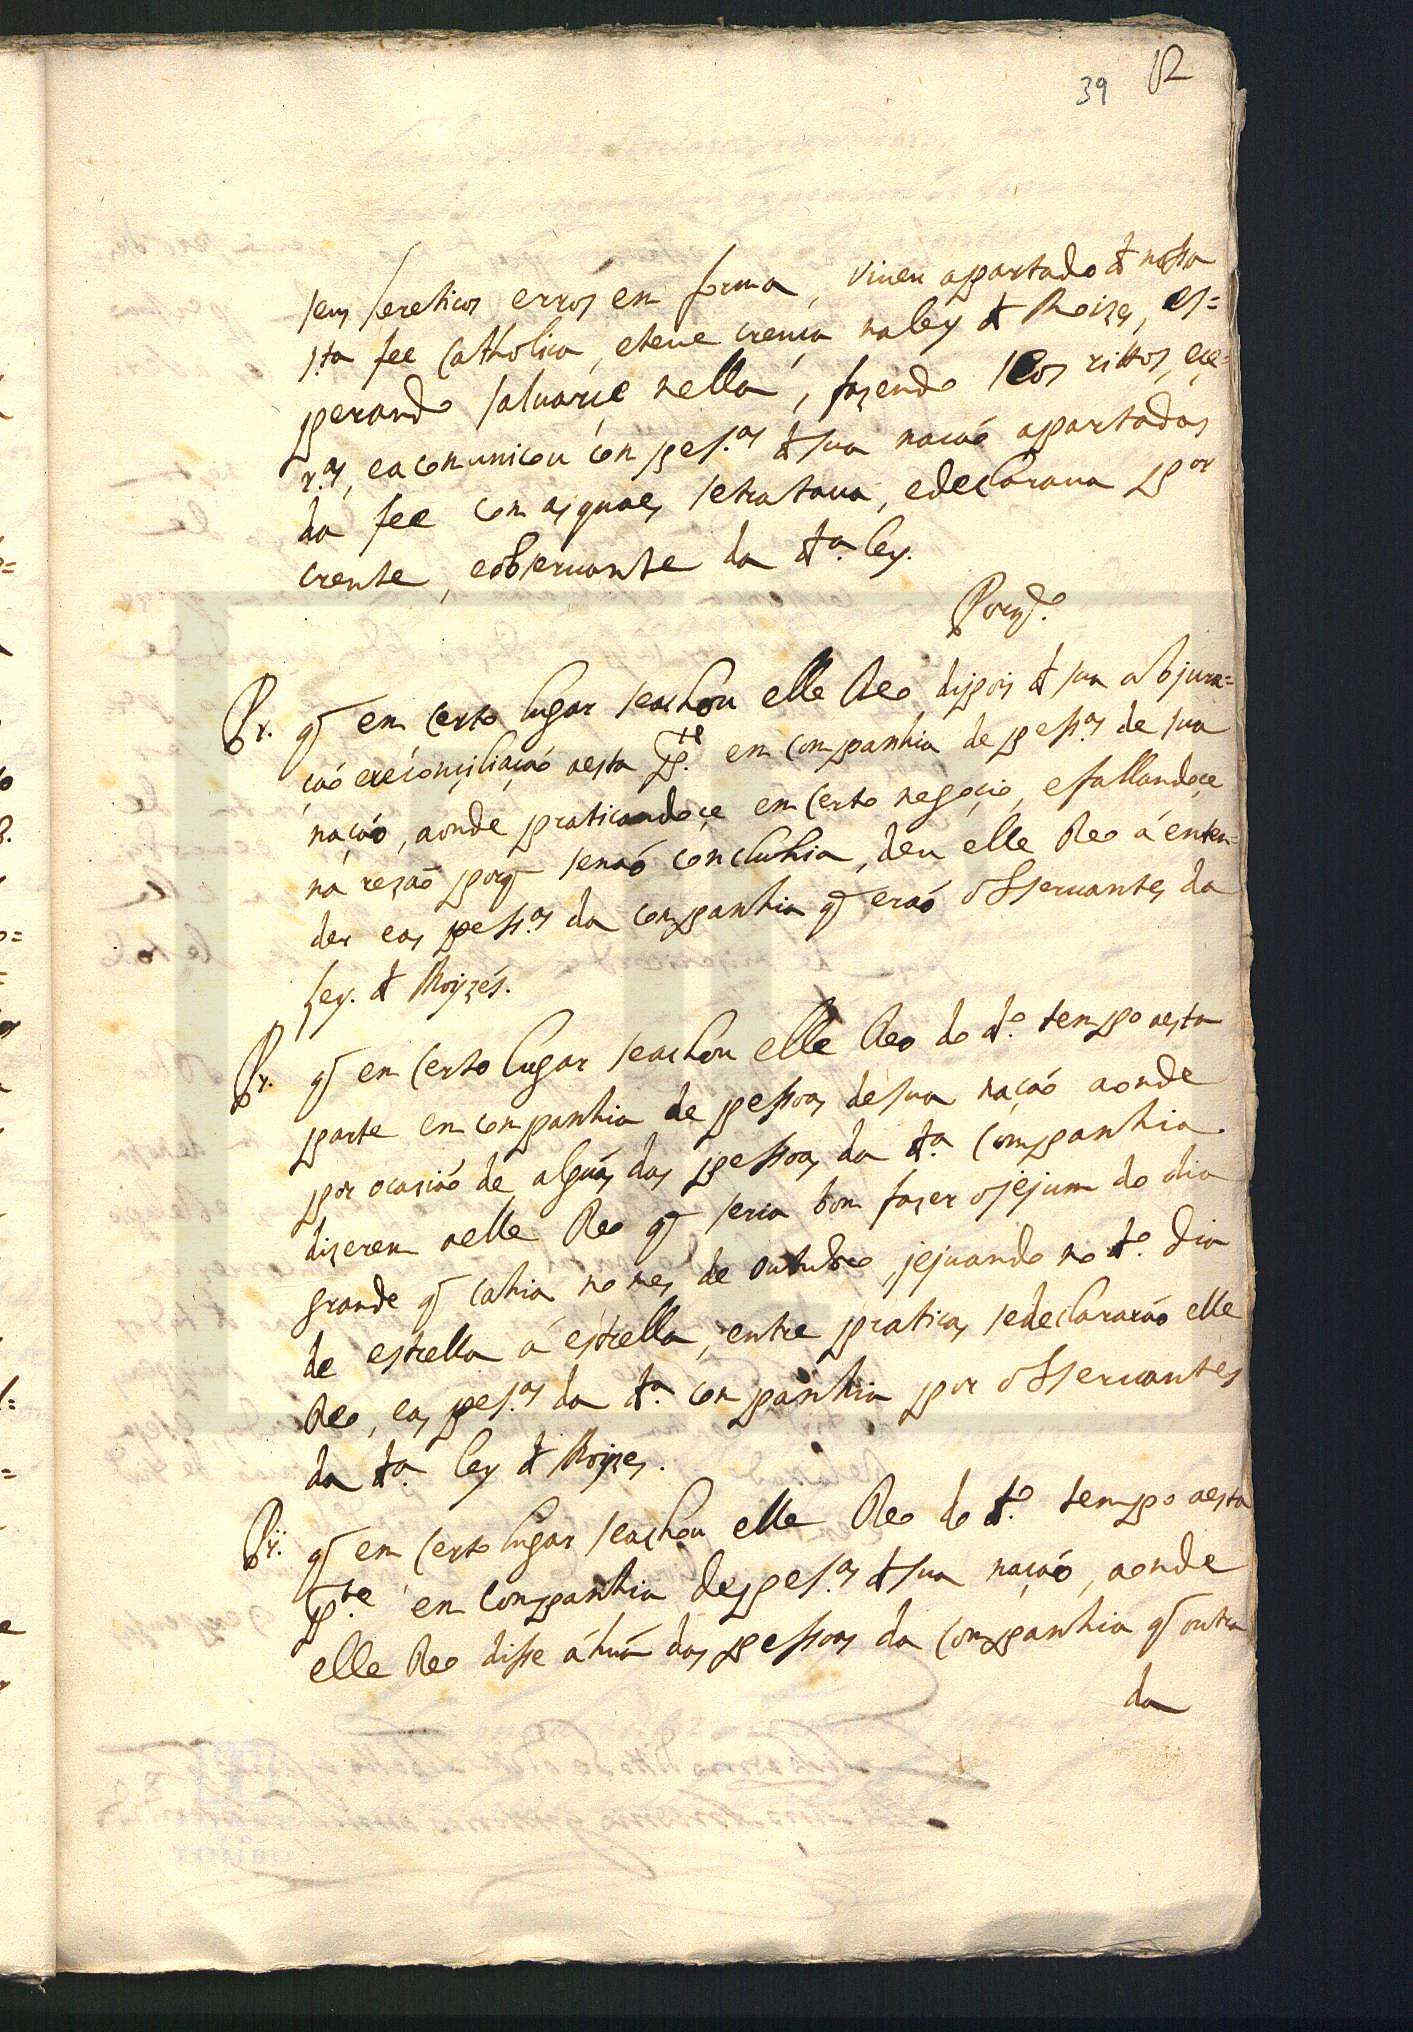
sem hereticos erros em forma, viueu apartado d̄ nossa
S.ta fee Catholica, e teue crença na ley d̄ Moizes, es
perando saluarçe nella, fazendo seos rittos, e çe
r.as, e a comunicou con pes.as d̄ sua nacaõ apartadas
da fee com as quaes se trataua, e declaraua por
crente, e obseruante da d̄a. ley.
Porqto.
Pr. q̄ em certo lugar se achou elle Reo dipois d̄ sua abjura
çaõ e reconçiliaçaõ a esta p.te em companhia de pess.as de sua
naçaõ, aonde praticandoçe em Certo negoçio, e fallandoçe
na rezaõ porq̄ se naõ concluhia, deu elle Reo a enten
der e as pess.as da companhia q̄ eraõ obseruantes da
Ley. d̄ Moyzés.
Pr. q̄ em certo lugar se achou elle Reo do d.o tempo a esta
parte em companhia de pessoas de sua naçaõ aonde
por ocaziaõ de alguās das pessoas da d̄.a Companhia
dizerem a elle Reo q̄ seria bom fazer o jejum do dia
grande q̄ cahia no mes de outubro, jejuando no d̄o. dia
de estrella a estrella, entre praticas se declararaõ elle
Reo, e as pes.as da d̄a. companhia por obseruantes
da d̄a. ley d̄ Moyzes.
Pr. q̄ em Certo lugar se achou elle Reo do d̄.o tempo a esta
p.te em companhia de pes.as d̄ sua naçaõ, aonde
elle Reo disse á huā das pessoas da Companhia q̄ outra
da
